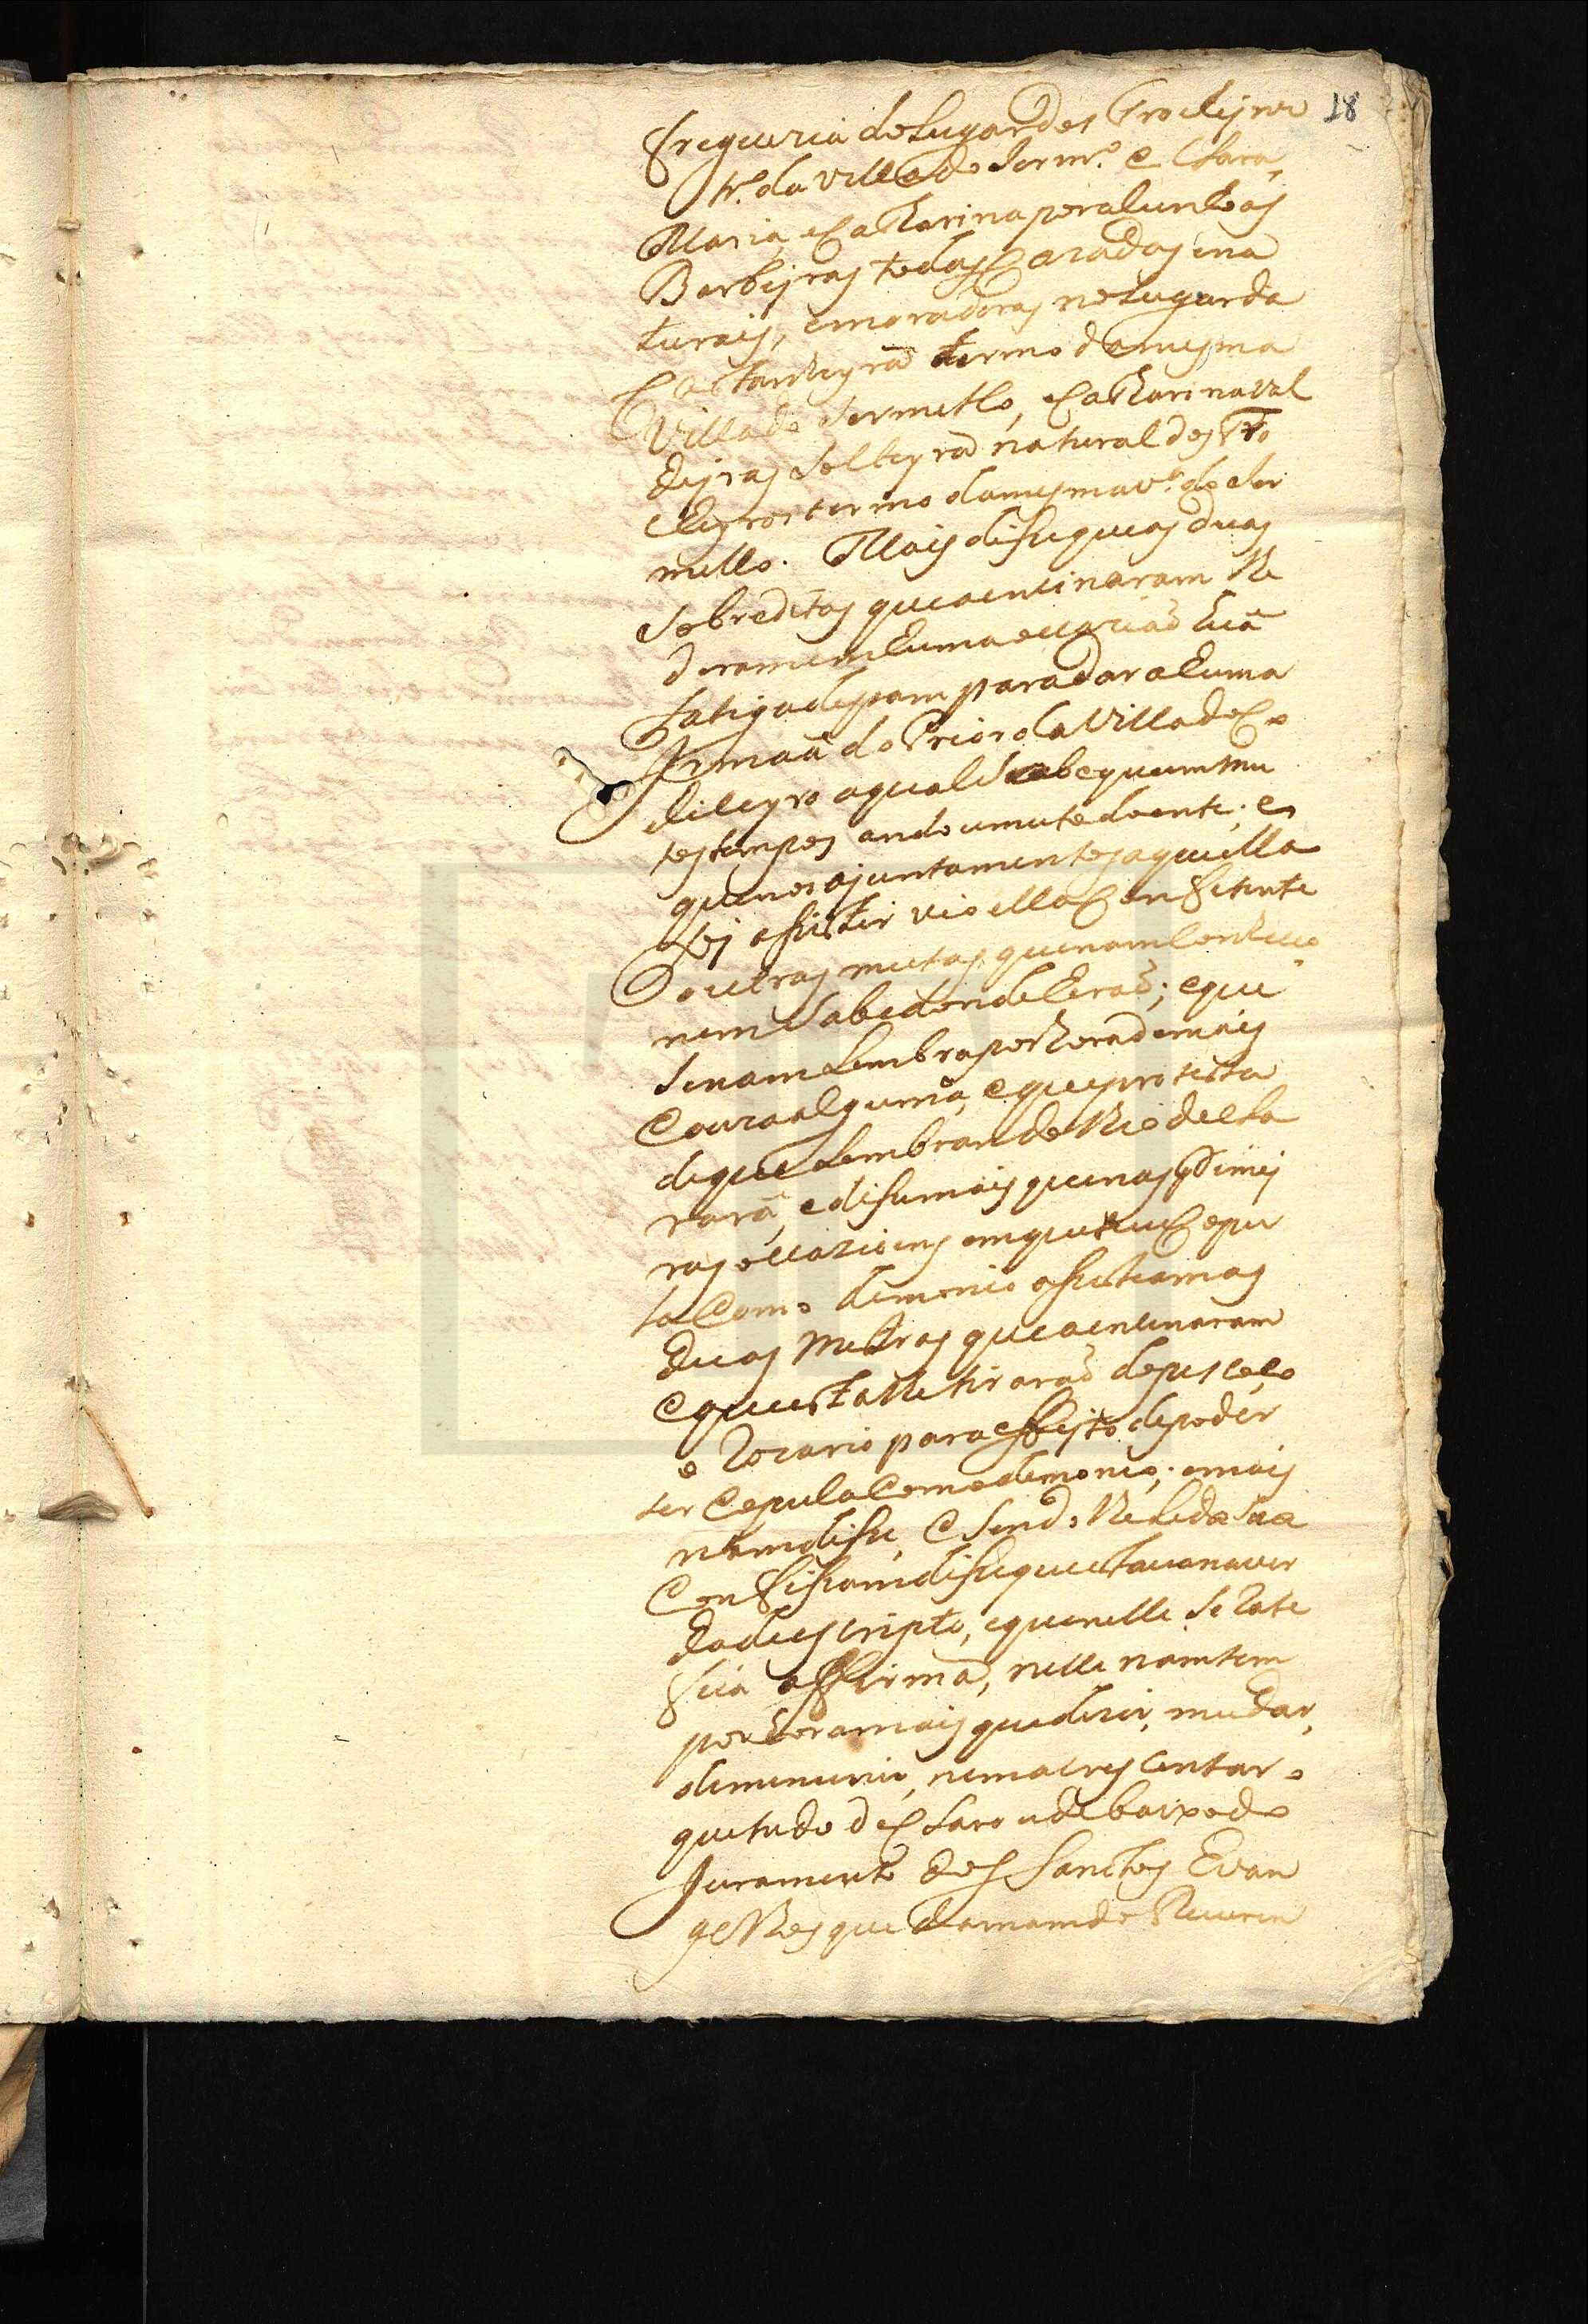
freguezia do Lugar dos Trochejros
tr.o da villa do Ierm.o e Clara
Maria, e Catharina por aCunho as
Barbejras todas Cazadas e na
turais, e moradoras no Lugar da
Castanheyra termo da mesma
Villa do Iermello, e Catharina val
dejras solteyra natural dos Tro
cheyros termo da mesma v.a do Ier
mello. Mais disse que as duas
sobreditas que a ensinaram lhe
deram em huma occaziaõ huā
fatiga de pam para dar a huma
Jrmaã do Prior da Villa do Co
diceyro a qual sabe que em mu
tos tempos andou muto doente; e
que nos ajuntamentos a que ella
foi assistir vio ella Confitente
outras mutas que nam conheçeo
nem Sabe donde heraõ; e que
se nam Lembra por hora de mais
Couza alguma, e que protesta
de que Lembrandolhe o decla
rará, e disse mais que nas primej
ras occazioens em que teue Copu
la Com o demonio assistiam as
duas mestras que a encinaram
e que esta lhe tiraraõ do pescoço
o Rozario para effejto de poder
ter Copula com o demonio; e mais
nam disse, e sendo lhe Lida sua
Confissam disse que estaua na ver
dade escripto, e que nelle se Rate
fica affirma, nelle nam tem
por hora mais que dizer, mudar,
demenuir, nem acrescentar o
que tudo deClarou debaixo do
Juramento dos Sanctos Evan
gelhos que da mam do Reueren
